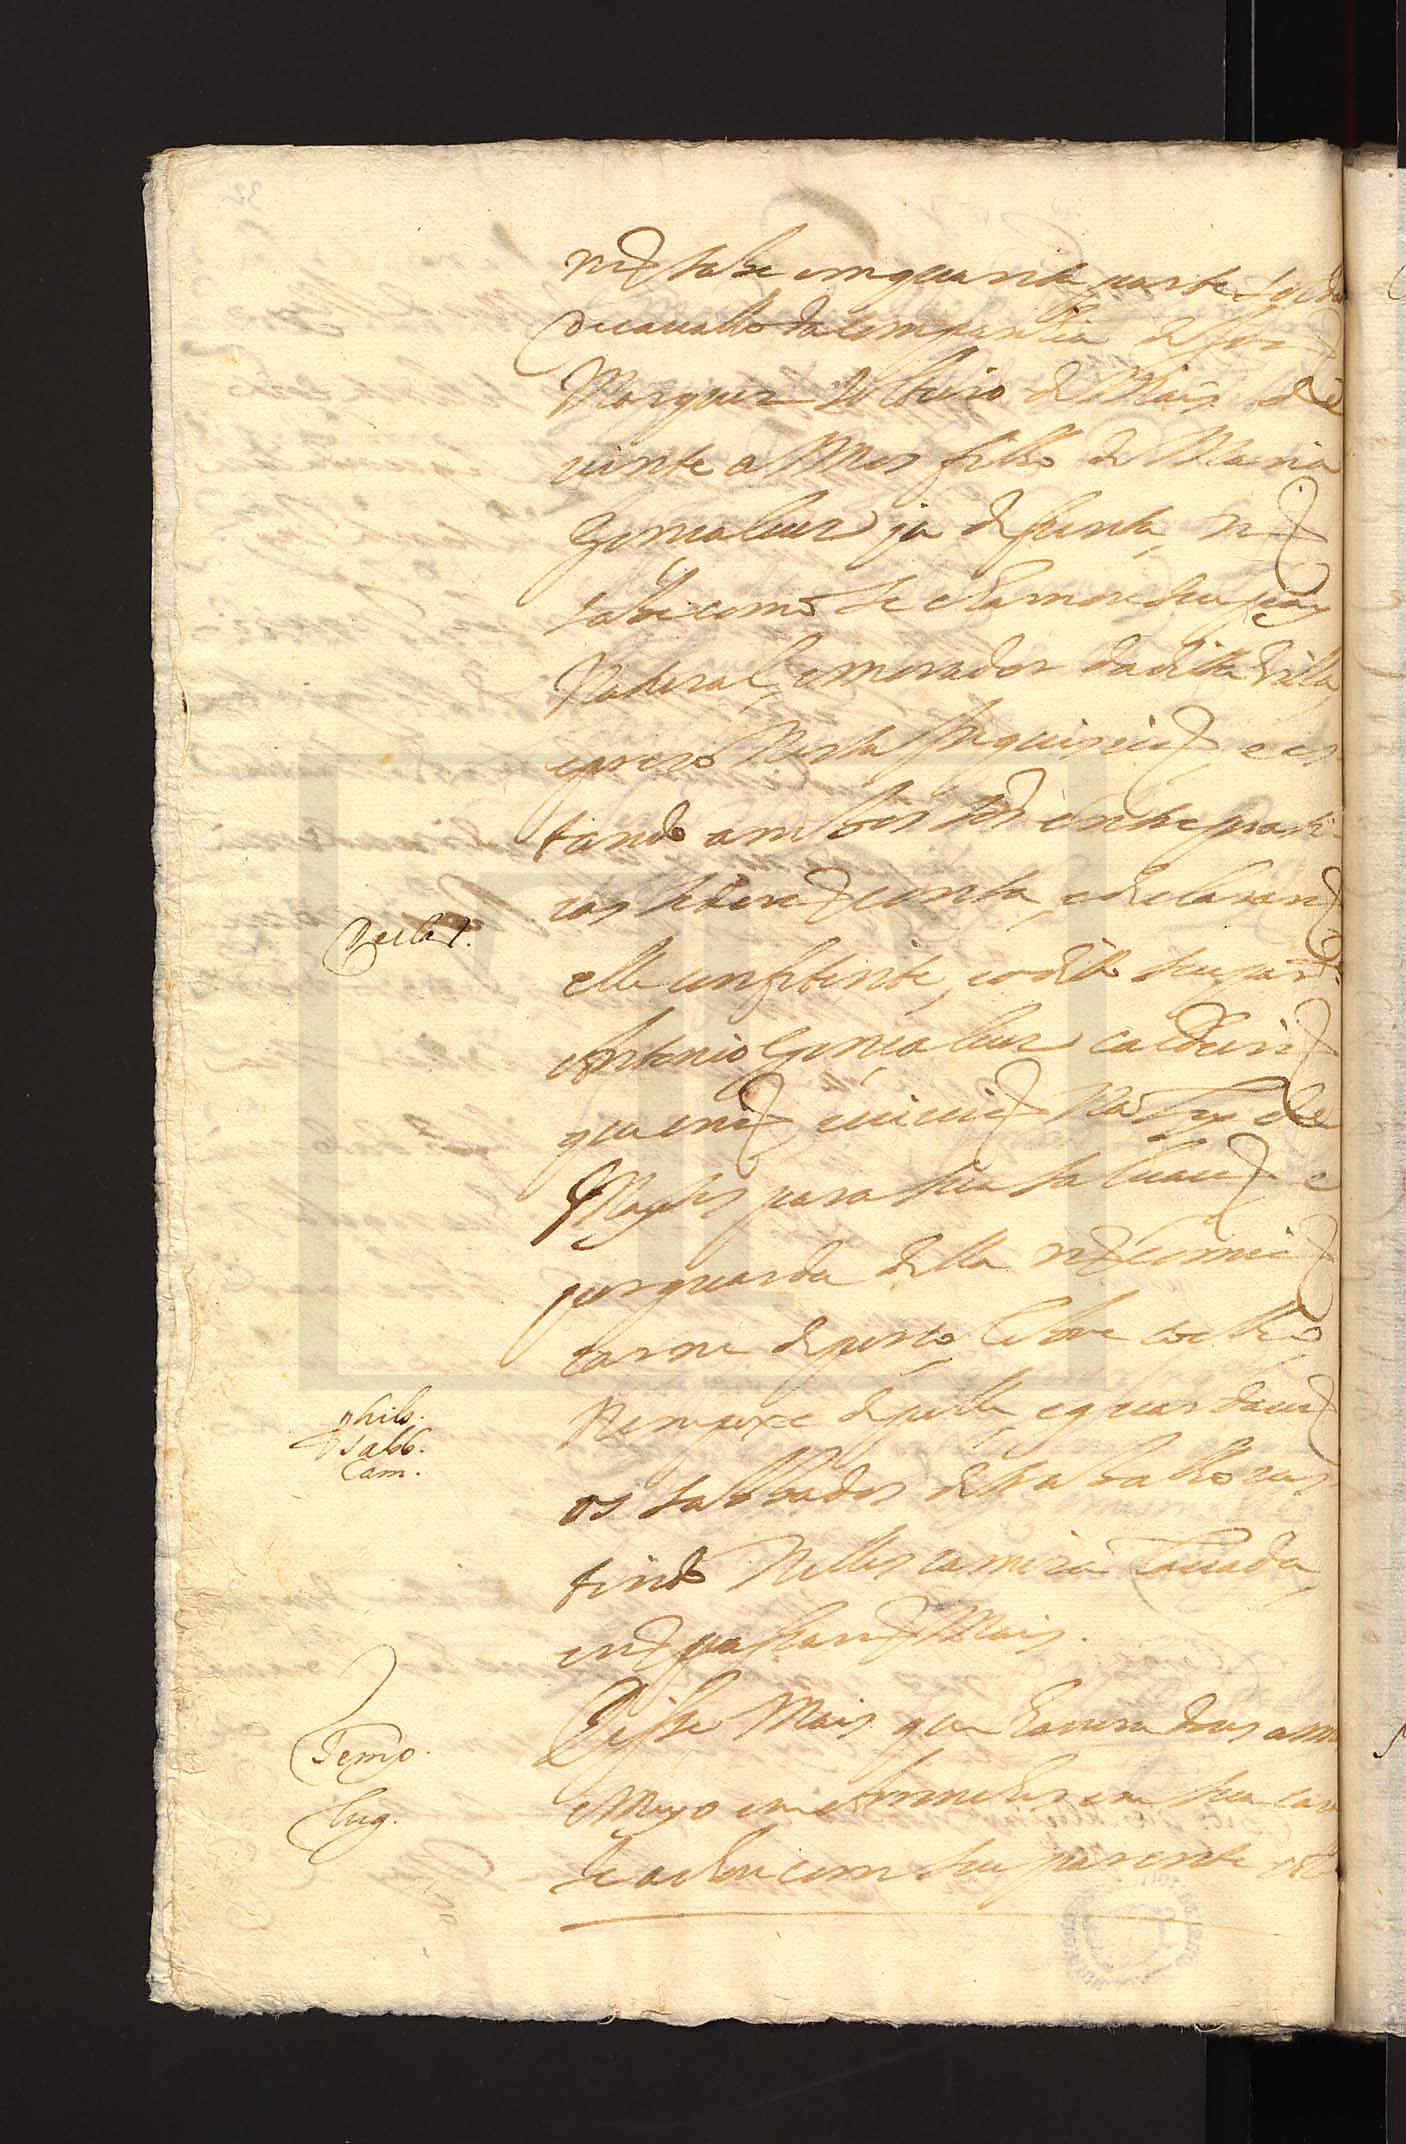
naõ sabe em quanta parte so
de cauallo da companhia de Joaõ
Marquez solteiro de Mais de
vinte annos filho de Maria
Goncalvez ja defunta, naõ
sabe como se chamou seu pay
natural, e morador da dita Villa
e prezo Nesta Inquizicaõ e es
tando ambos sós entre prati
cas se derão conta, e dclararaõ
elle confitente, e o dito seu par.te
Antonio Gonçaluez Caldeiraõ
que enaõ, e uiuiaõ na Ley de
Moyzes para sua saluacaõ e
por guarda della naõ comiaõ
carne de porco, lebre coelho
nem pexe de pelle, e guardauaõ
os sabbados de trabalho ves
tindo nelles camiza Lauada
e nã passaraõ mais
Disse Mais que havera dous ann
e meyo em Arronches em sua caza
se achou com sua parente
